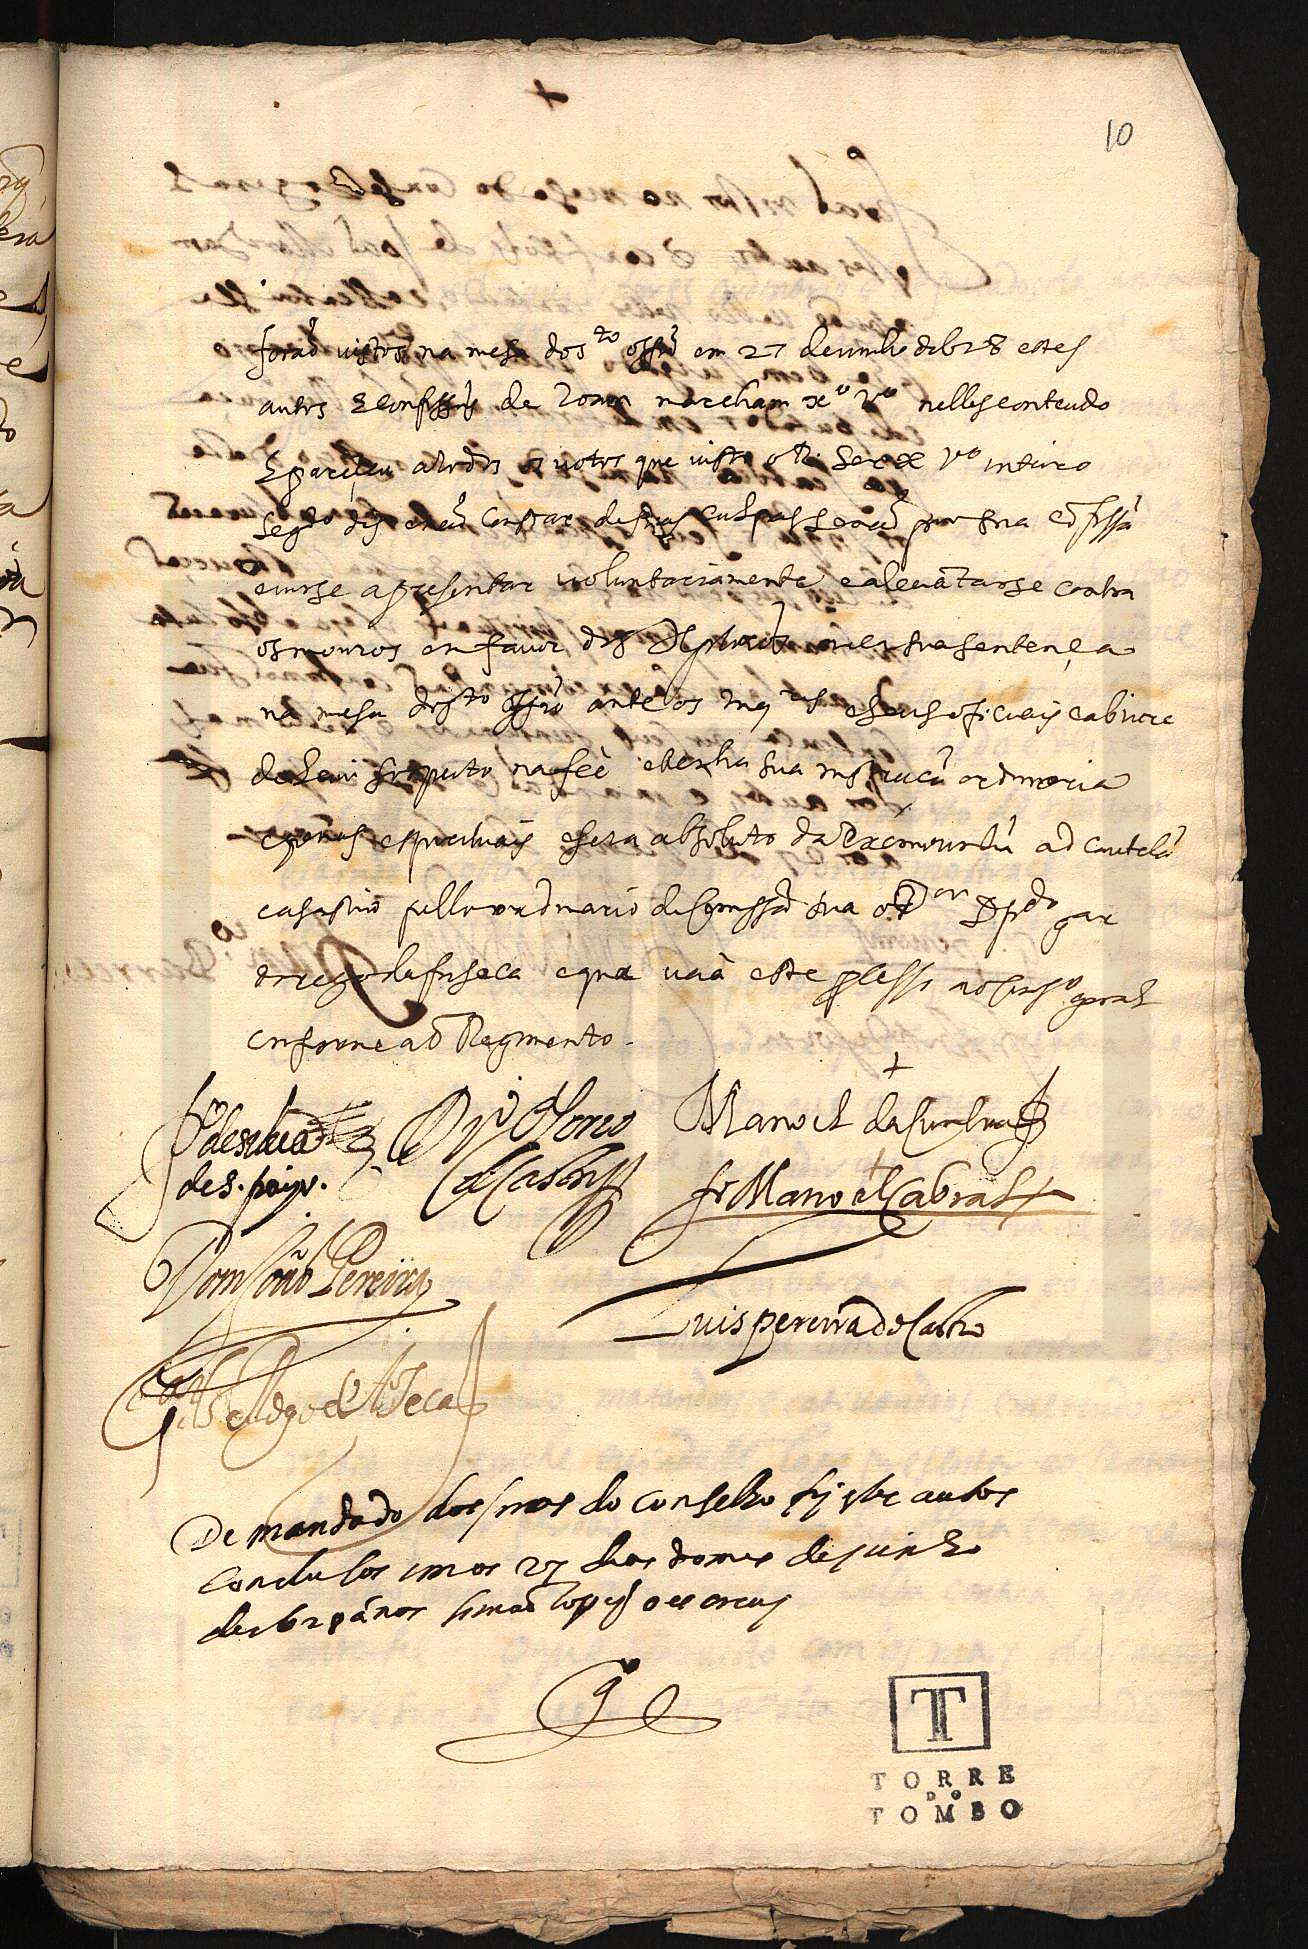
foraõ uistos na mesa do sto offiō em 27 de iunho de 628 estes
autos E confissaõ de Joam marcham xo Vo nelles conteudo
E pareceu a todos os uotos que uisto o R. ser xo Vo inteiro
segdo dis e naõ constar de suas culpas senaõ por sua cōfissaõ
e uirse apresentar uoluntariamente e aleuātarse contra
os mouros em fauor dos Xphaõs auer sua sentença
na mesa do sto offiō ante os Inqres e seus oficiais e abiure
de Leui sospeito na feé e tenha sua instruçaõ ordinaria
e penas espirituais e seia absoluto da excomunhā ad cautelā
e asistio pello ordinario de Comissaõ sua o Dor Dpdo gar
do rego da fonseca e que uaà este ꝓcesso ao Cons.o geral
conforme ao Regimento.
Po de silua
de s. pajo.
Djo Osorio
de Castro
Manoel da Cunha
fr Manoel Cabral
Dom João Pereira
Luis pereira do Castro
Gar Rdgo d'Aoseca
De mandado dos snres do conselho fiz estes autos
conclusos em os 27 dias do mes de junho
de 1628 ānos simaõ lopez o escreuj
